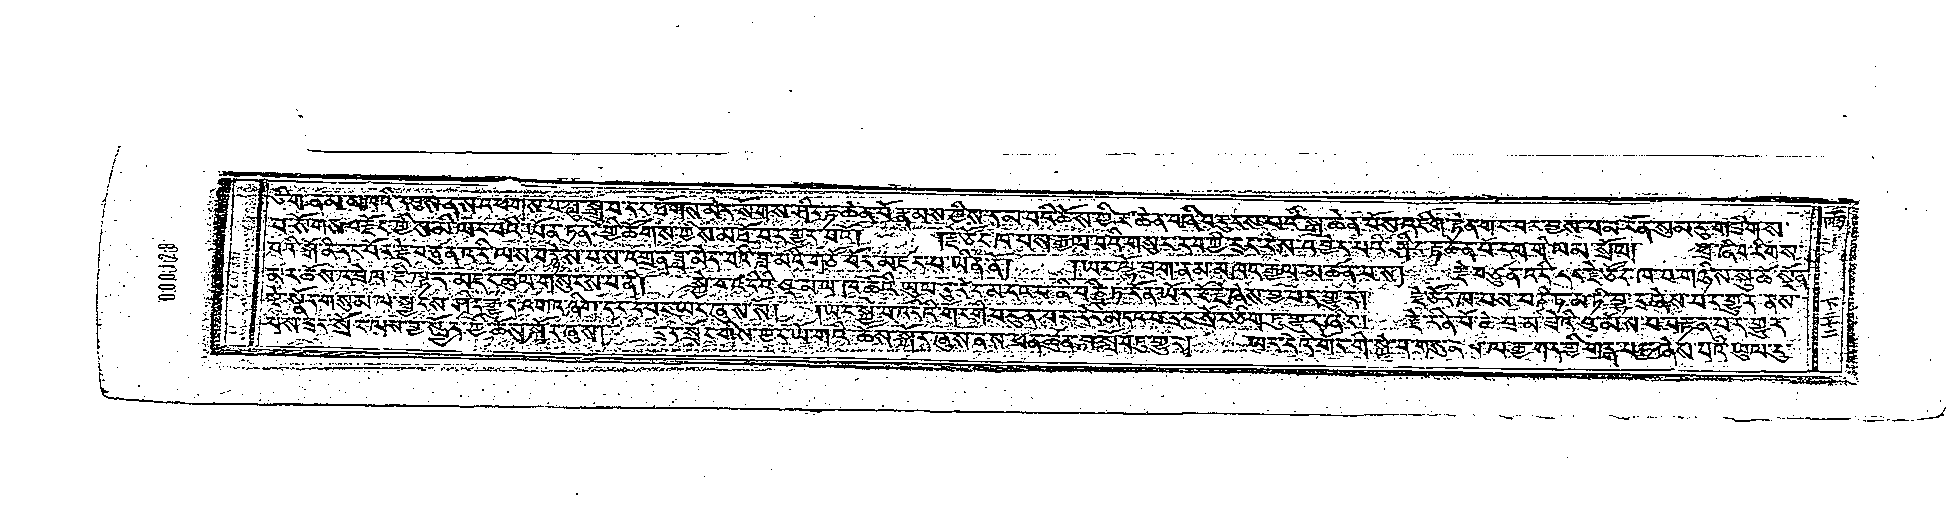ཅིག་ནམ་མཁའི་དབུས་ནས་འཕགས་པ་ཀླུ་སྒྲུབ་དང་ཐོགས་མེད་སོགས་ཤིང་རྟ་ཆེན་པོ་རྣམས་ཀྱིས་དམ་པའི་ཆོས་ཀྱི་རྔ་ཆེན་བཞི་བརྡུངས་པའི་སྒྲ་ཆེན་པོས་འཇིག་རྟེན་གང་བང་བྱས་བ་མངོན་སུམ་དུ་གཟིགས་
པ་སོགས་བརྗོད་ཀྱིས་མི་ལང་བའི་ཡོན་ཏན་གྱི་ཚོགས་ཀྱིས་མཐོ་བར་གྱུར་པའོ། །རྗེ་ཙོང་ཁ་པས་རྒྱལ་བའི་གསུང་རབ་ཀྱི་དྲང་ངེས་འབྱེད་པའི་ཤིང་རྟ་ཆེན་པོ་དག་གི་ལམ་སྲོལ། ཕྲ་ཞིབ་རིགས་
པའི་སྒོ་ནི་དང་པོར་རྗེ་བཙུན་འདི་ལས་བརྙེས་བས་འགྲན་ཟླ་མེད་པའི་བླ་མའི་གཙོ་བོར་མཛད་བ་ཡིན་ནོ། །ཡང་ལྟོ་བྲག་ནམ་མཁའ་རྒྱལ་མཚན་པས། རྗེ་བཙུན་འདི་དང་རྗེ་ཙོང་ཁ་བ་གཉིས་སྐུ་ཚེ་སྔོན་
མར་ཆོས་འབྲེལ་ཇི་ལྟར་མཛད་ཚུལ་གསུངས་པ་ནི། སྐྱེ་བ་འདིའི་སྔ་མ་ལ་ཁ་ཆེའི་ཡུལ་དུ་རེད་མདའ་པ་ནི་པཎྚི་ཏ་དོན་ཡོད་རྡོ་རྗེ་ཞེས་བྱ་བར་གྱུར། རྗེ་ཙོང་ཁ་བས་པཎྚི་ཏ་མ་ཏི་བྷ་དྲ་ཞེས་བར་གྱུར་ནས་
སྔེ་སྣོད་གསུམ་ལ་སྦྱངས་ཤིང་རྒྱུད་འགའ་ཞིག་དང་དབང་ཡང་ཞུས་སོ། །ཡང་སྐྱེ་བ་འདིའི་གོང་གི་བདུན་བར་རེང་མདའ་བ་དྲང་སྲོང་ཅིག་ཏུ་གྱུར་ཞིང་། རྗེ་རིན་པོ་ཆེ་བྲམ་ཟེའི་བུ་མོས་བ་བརྟན་པར་གྱུར་
པས་དྲང་སྲོང་ལས་བྱ་སྦྱོད་ཀྱི་ཆོས་སྐོར་ཞུས། དྲང་སྲོང་གིས་ཀྱང་ཡོ་གའི་ཆོས་སྐོར་ཞུས་ནས་ཕན་ཚུན་བླ་སློབ་ཏུ་གྱུར། ཡང་དེའི་གོང་གི་སྐྱེ་བ་གསུམ་པ་ལ་རྒྱ་གར་གྱི་གང་?ག་པཏ་ཞེས་པའི་ཡུལ་དུ་